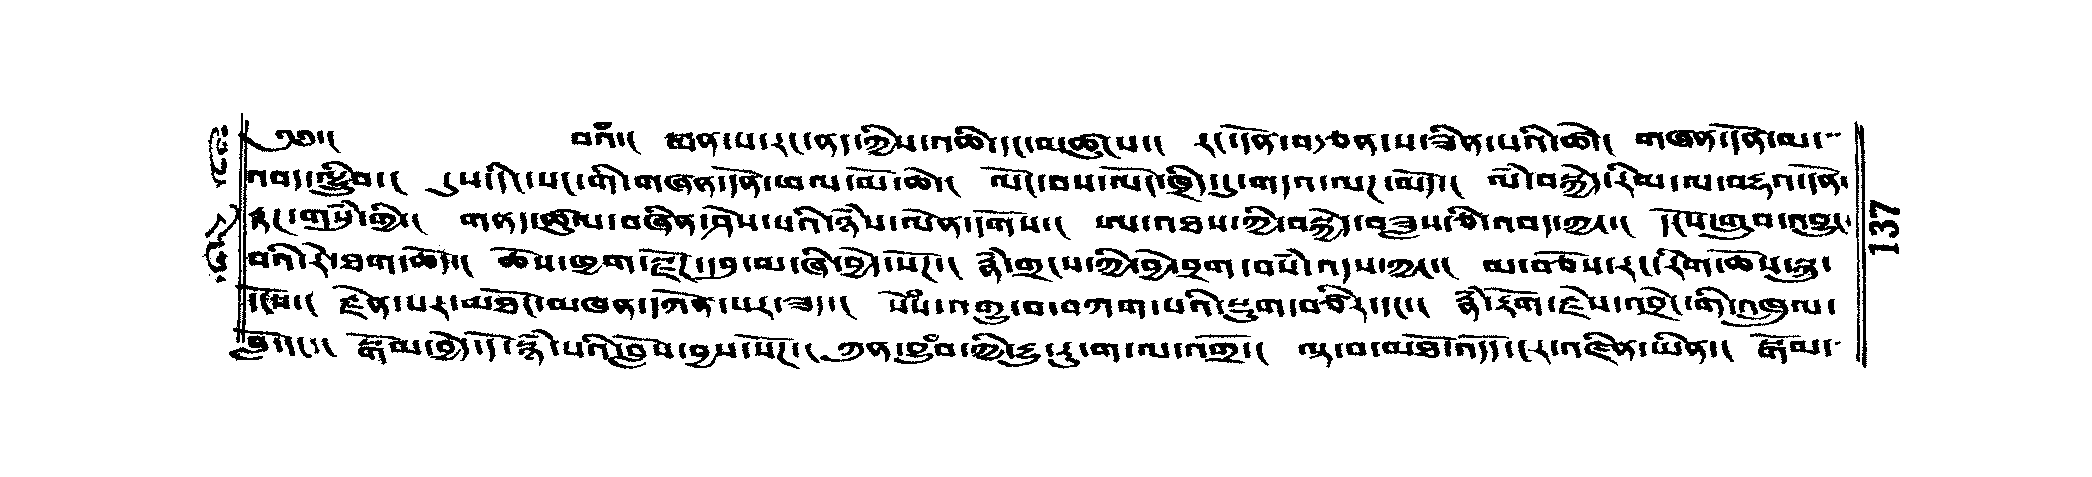བའམ། །སྨན་པ་རང་ནད་ཀྱིས་འཆི་དང་མཚུངས། རང་དོན་བཙན་ས་ཟིན་པའི་ཚེ། །གཞན་དོན་མ་
འབད་ལྷུན་གྱིས་གྲུབ། །དུས་དིང་སང་གི་གཞན་དོན་ཕལ་མོ་ཆེ། །ལོང་བས་ལོང་ཁྲིད་དུ་གདའ་ལགས་མོད། །ལམ་བསྐྱེད་རིམ་ལ་བརྡ་དོན་
རྟགས་གསུམ་གྱི། །གནད་ཚུལ་བཞིན་ཤེས་པའི་ཉམས་ལེན་དགོས། ཨ་འཐས་ཀྱི་བསྐྱེད་བཟླས་ཅི་འབད་ཀྱང་། །དངོས་གྲུབ་འབྱུང་
བའི་རེ་ཐག་ཆོད། །ཆོས་ཕྱག་རྫོགས་དབུ་མ་ཞི་བྱེད་སོགས། །རྣམ་གྲངས་ཀྱི་བྲེ་བྲག་བསམ་འདས་ཀྱང་། །མ་བཅོས་རང་རིག་ཆོས་སྐུ་
དངོས། །རྗེན་པར་མཐོང་མཁན་དཀོན་པར་ཟད། །སེམས་འགྱུ་བ་བཀག་པའི་སྡུག་བཙིར་དང་། །རྣམ་རྟོག་རྗེས་འབྲང་གི་འཁྲུལ་
བློ་དང་། །སྒོམ་བྱེད་དོ་སྙམ་པའི་བློས་བྱས་སོགས། །ཀུན་བྱང་ཆུབ་ཀྱི་རྒྱུ་རུ་ག་ལ་འགྲོ། །ལྟ་བ་མཐོ་འདོད་ངར་འཛིན་ཡིན། །སྒོམ་